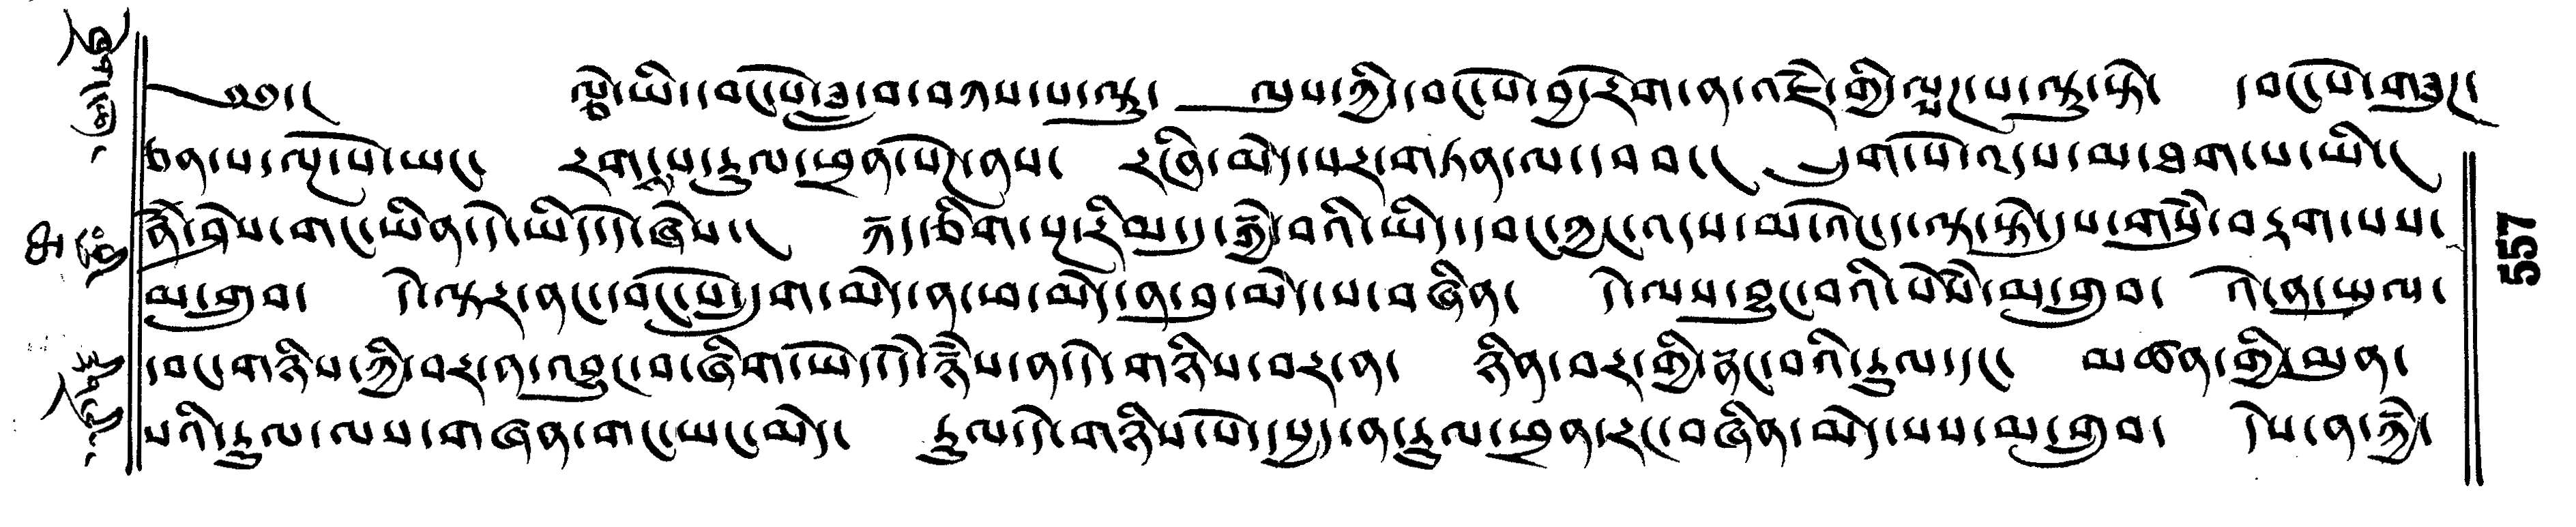ལྕེ་ཡི་དབང་པོ་ཟླ་བ་བཀས་པ་ལྟ་བུ། ལུས་ཀྱི་དབང་པོ་བྱ་རོག་ན་འཇམ་གྱི་ལྤགས་པ་ལྟ་བུ་སྟེ། དབང་པོ་གཟུགས་
ཅན་པ་ལྔ་པོ་ཡང་། རགས་པ་རྡུལ་ཕྲན་སོགས་ནས། རང་བཞིན་མེད་པར་གཏན་ལ་དབབ། དྲུག་པོ་འདས་མ་ཐག་པ་ཡི། །
རྣམ་ཤེས་གང་ཡིན་དེ་ཡིད་དོ། ཞེས་སྐད་ཅིག་སྔ་རིམ་དུ་སྐྱེ་བའི་ཡིད་དབང་ཀྱང་འདས་མ་འོངས་ད་ལྟར་སྟེ་དུས་གསུམ་དུ་བརྟགས་པས་
མ་གྲུབ། དེ་ལྟར་ནང་དབང་པོ་དྲུག་མེད་ན་ཕ་མེད་ན་བུ་མེད་པ་བཞིན། དེ་ལས་བྱུང་བའི་སེམས་མ་གྲུབ། འོ་ན་ཡུལ་
དབང་གཉིས་ཀྱི་བར་ན་འབྱུང་བ་ཞིག་ཡོད་དམ་སྙམ་ན་དེ་གཉིས་བར་ན། ཉིན་བར་གྱི་སྣང་བའི་རྡུལ་དང་། མཚན་གྱི་མུན་
པའི་རྡུལ་ལས་གཞན་གང་ཡང་མེད། རྡུལ་དེ་གཉིས་པོ་དཔྱད་ན་རྡུལ་ཕྲན་རང་བཞིན་མེད་པས་མ་གྲུབ། དེས་ན་སྐྱེ་བའི་ཡུལ། འབྱུང་